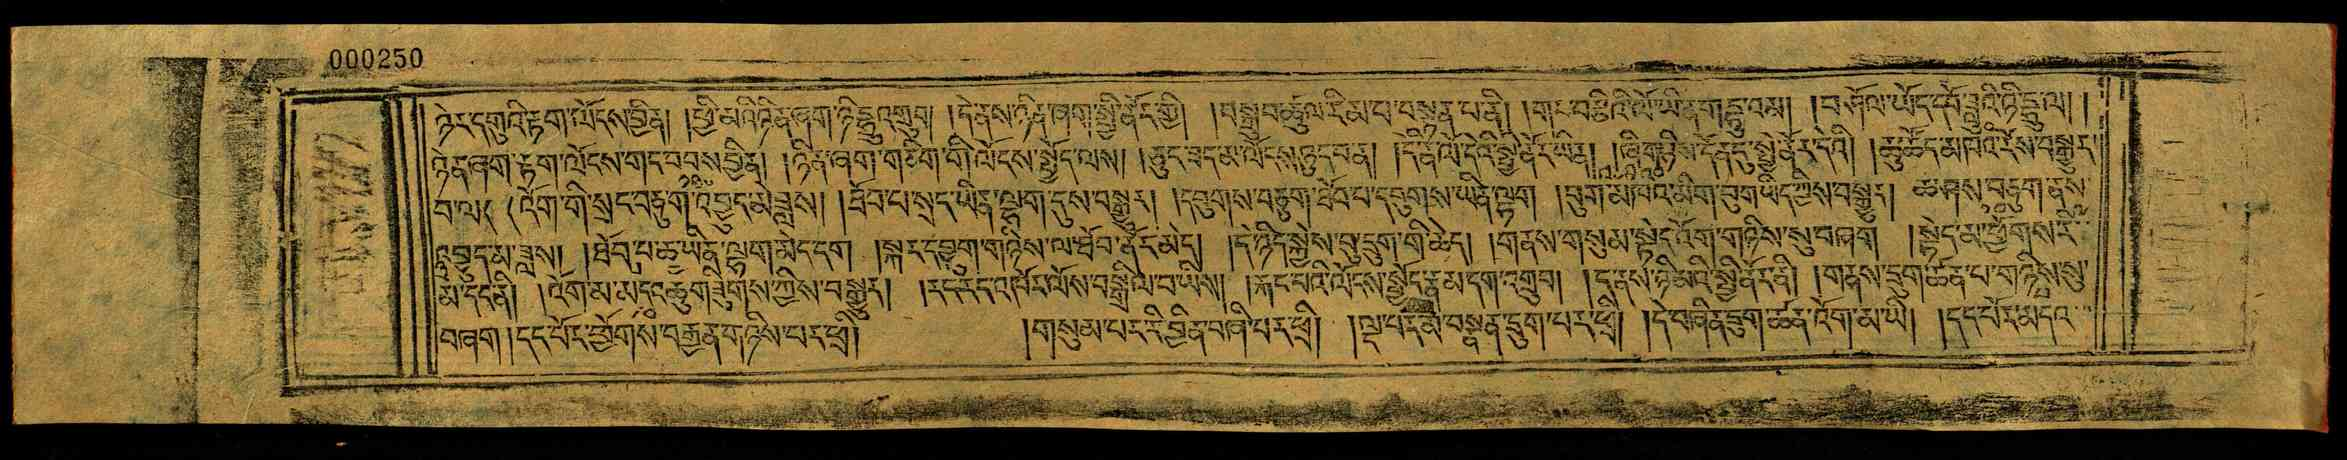ཉེར་དགུའི་རྟག་ལོངས་བྱིན། །ཕྱི་མའི་ཉིན་ཞག་ཉི་དྷྲུ་འགྲུབ། །དེ་ནས་ཉིན་ཞག་སྤྱི་ནོར་གྱི། །བསྒྲུབ་ཚུལ་རིམ་པ་བསྟུན་པ་ནི། །གང་བརྩིའི་ལོ་ཡིན་ག་དྷྲུ་འམ། །བཤོལ་ཡོད་དབོ་སླུའི་ཉི་དྷྲུ་ལ།།
ཉིན་ཞག་རྟག་ལོངས་གང་བབས་བྱིན། །ཉིན་ཞག་གཅིག་གི་ལོངས་སྤྱོད་ལས། །ཅུང་ཟད་མ་ལངས་ཉུང་བ་ན། །དེ་ནི་ལོ་དེའི་སྤྱི་ནོར་ཡིན། །ཞི་གཉིས་དོན་དུ་སྤྱི་ནོར་དེའི། །ཆུ་ཚོད་མཁའ་རོས་བསྒྱུར་
བ་ལ༑ ༑འོག་གི་སྲང་བཙུག་འབྱུང་མ་ཟླས། །ཐོབ་པ་སྲང་ཡིན་ལྷག་དུས་བསྒྱུར། །དབུགས་བཅུག་ཐོབ་པ་དབུགས་ཡིན་ལྷག །བུག་མཁའ་མིག་བུག་ཡིད་ཀྱིས་བསྒྱུར། །ཆ་ཤས་བཅུག་ནས་
འབྱུང་མ་ཟླས། །ཐོབ་པ་ཆ་ཡིན་ལྷག་མེད་དག །སྐར་དབྱུང་གཉིས་ལ་ཐོན་ནར་མེད། །དེ་ཉིད་སྐྱེས་བུ་དྲུག་གི་ཆེད། །གནས་གསུམ་སྟེང་འོག་གཉིས་སུ་བཞག །སྟེང་མ་ཕྱོགས་རི་
མ་དང་ནི། །འོག་མ་མངའ་ཆུ་གཟུགས་ཀྱིས་བསྒྱུར། །རང་རང་འཁོར་ལོས་བསྒྲིལ་བ་ཡིས། །རྐང་པའི་ལོངས་སྤྱོད་རྣམ་དག་འགྲུབ། །དེ་ནས་ཉི་མའི་སྤྱི་ནོར་ནི། །གནས་དྲུག་ཚན་པ་གཉིས་སུ་
བཞག །དང་པོར་ཕྱོགས་བརྒྱན་གཉིས་པར་ཕྲི། །གསུམ་པར་རི་བྱིན་བཞི་པར་ཕྲི། །ལྔ་པར་མ་བསྣན་དྲུག་པར་ཕྲི། །དེ་བཞིན་དྲུག་ཚན་འོག་མ་ཡི། །དང་པོར་མདའ་